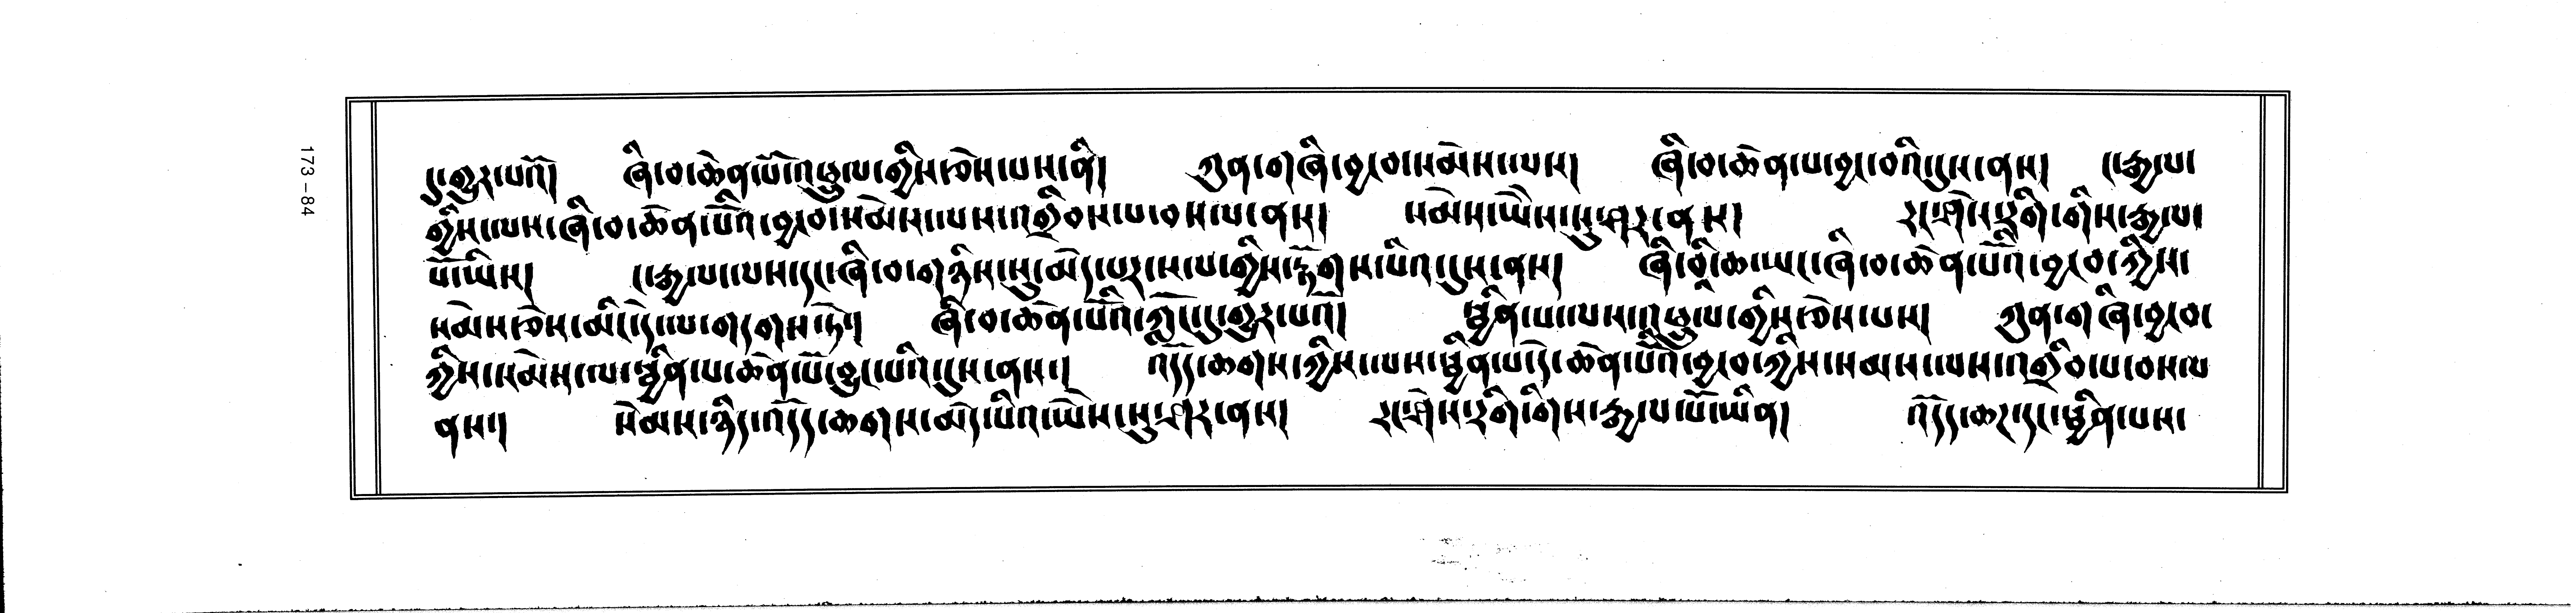དུ་གྱུར་པའོ། །ཞི་བ་ཆེན་པོའི་འཕྲུལ་གྱིས་ཅེས་པ་ནི། ཀུན་གཞི་བྱང་ཆུབ་སེམས་ལས། ཞི་བ་ཆེན་པོ་བྱུང་བའི་དུས་ནས། ང་རྒྱལ་
གྱིས་ལས་ཞི་བ་ཆེན་པོའི་བྱང་ཆུབ་སེམས་ལས་འགྲིབ་པ་བསལ་ནས། སེམས་ཡེ་ཤེས་སུ་ཤར་ནས། རང་ཤེས་རིག་གི་རྒྱལ་
པོ་ཡིས། ང་རྒྱལ་ལས་དང་ཞི་བ་གཉིས་སུ་མེད་པར་སལ་གྱིས་རྟོགས་པའི་དུས་ནས། ཞི་བའི་ཆ་ཡང་ཞི་བ་ཆེན་པོའི་བྱང་ཆུབ་ཀྱི་
སེམས་ཅེས་མིང་དེ་ལ་གདགས་ཏེ། ཞི་བ་ཆེན་པོའི་ཀློང་དུ་གྱུར་པའོ། །སྦྱིན་པ་ལས་འཕྲུལ་གྱིས་ཅེས་པས། ཀུན་གཞི་བྱང་ཆུབ་
ཀྱིས་སེམས་ལ་སྦྱིན་པ་ཆེན་པོ་བྱུང་བའི་དུས་ནས། འདོད་ཆགས་ཀྱི་ལས་སྦྱིན་པ་ཆེན་པོའི་བྱང་ཆུབ་སེམས་ལས་འགྲིབ་པ་བསལ་
ནས། སེམས་ཉིད་འདོད་ཆགས་མེད་པའི་ཡེ་ཤེས་སུ་ཤར་ནས། རང་ཤེས་རིག་གི་རྒྱལ་པོ་ཡིས། འདོད་ཆགས་དང་སྦྱིན་པས་